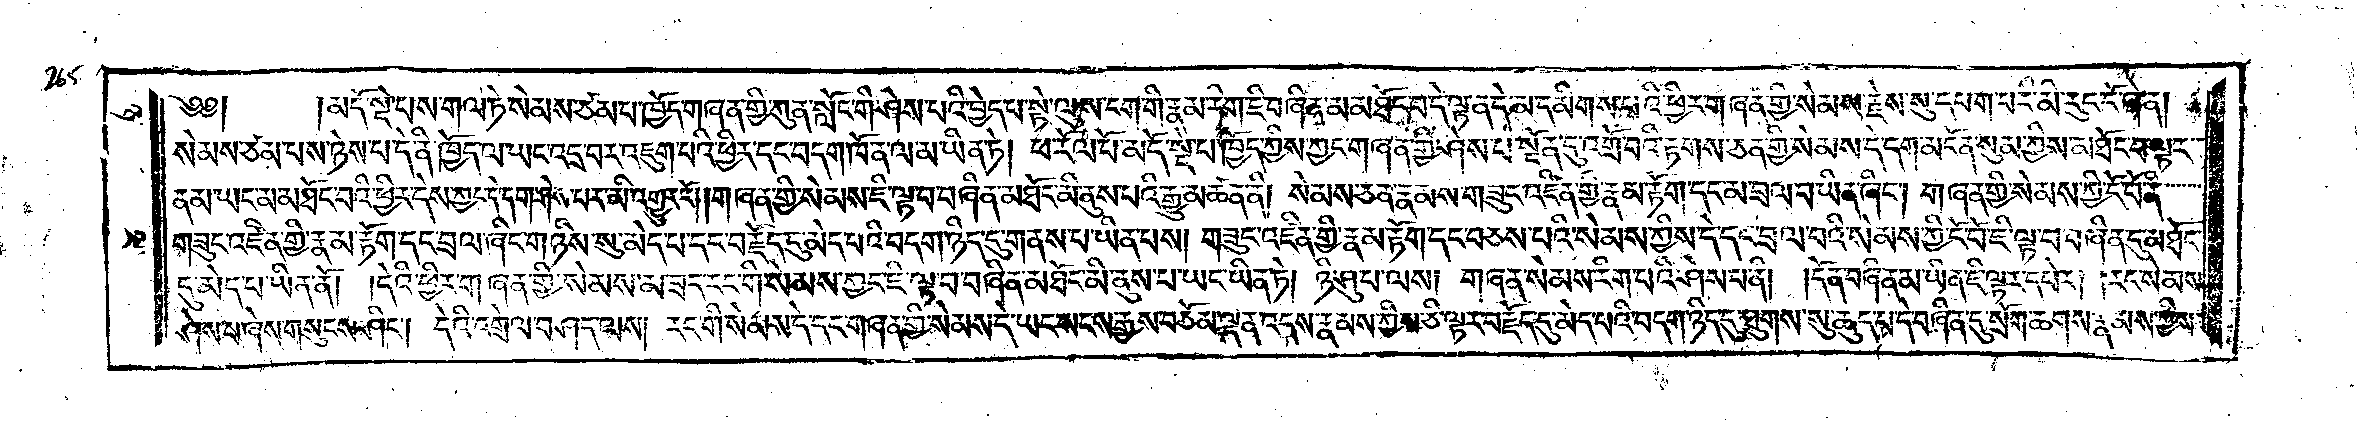༄༅། །མདོ་སྡེ་པས་གལ་ཏེ་སེམས་ཙམ་པ་ཁྱོད་གཞན་གྱི་ཀུན་སློང་གི་ཤེས་པའི་བྱེད་པ་སྟེ་ལུས་ངག་གི་རྣམ་རིག་ཇི་བཞིན་མ་མཐོང་བ་དེ་ལྟ་ན་དེ་མ་དམིགས་པའི་ཕྱིར་གཞན་གྱི་སེམས་རྗེས་སུ་དཔག་པར་མི་རུང་ངོ་ཞེ་ན།
སེམས་ཙམ་པས་ཉེས་པ་དེ་ནི་ཁྱོད་ལ་ཡང་འདྲ་བར་འཇུག་པའི་ཕྱིར་དང་བདག་ཁོ་ན་ལ་མ་ཡིན་ཏེ། ཕ་རོལ་པོ་མདོ་སྡེ་པ་ཁྱོད་ཀྱིས་ཀྱང་གཞན་གྱི་ཤེས་པ་སྔོན་དུ་འགྲོ་བའི་རྟགས་ཅན་གྱི་སེམས་དེ་དག་མངོན་སུམ་ཀྱིས་མཐོང་བ་ལྟར་
ནམ་ཡང་མ་མཐོང་བའི་ཕྱིར་དེས་ཀྱང་དེ་དག་ཤེས་པར་མི་འགྱུར་རོ། །གཞན་གྱི་སེམས་ཇི་ལྟ་བ་བཞིན་མཐོང་མི་ནུས་པའི་རྒྱུ་མཚན་ནི། སེམས་ཅན་རྣམས་གཟུང་འཛིན་གྱི་རྣམ་རྟོག་དང་མ་བྲལ་བ་ཡིན་ཞིང་། གཞན་གྱི་སེམས་ཀྱི་ངོ་བོ་ནི་
གཟུང་འཛིན་གྱི་རྣམ་རྟོག་དང་བྲལ་ཞིང་གཉིས་སུ་མེད་པ་དང་བརྗོད་དུ་མེད་པའི་བདག་ཉིད་དུ་གནས་པ་ཡིན་པས། གཟུང་འཛིན་གྱི་རྣམ་རྟོག་དང་བཅས་པའི་སེམས་ཀྱིས་དེ་དང་བྲལ་བའི་སེམས་ཀྱི་ངོ་བོ་ཇི་ལྟ་བ་བཞིན་དུ་མཐོང་
དུ་མེད་པ་ཡིན་ནོ། །དེའི་ཕྱིར་གཞན་གྱི་སེམས་མ་ཟད་རང་གི་སེམས་ཀྱང་ཇི་ལྟ་བ་བཞིན་མཐོང་མི་ནུས་པ་ཡང་ཡིན་ཏེ། ཉི་ཤུ་པ་ལས། གཞན་སེམས་རིག་པའི་ཤེས་པ་ནི། །དོན་བཞིན་མ་ཡིན་ཇི་ལྟར་དཔེར། །རང་སེམས་
ཤེས་པ་ཞེས་གསུངས་ཤིང་། དེའི་འགྲེལ་བཤད་ལས། རང་གི་སེམས་དེ་དང་གཞན་གྱི་སེམས་དེ་ཡང་སངས་རྒྱས་བཅོམ་ལྡན་འདས་རྣམས་ཀྱིས་ཅི་ལྟར་བརྗོད་དུ་མེད་པའི་བདག་ཉིད་དུ་ཐུགས་སུ་ཆུད་པ་དེ་བཞིན་དུ་སྲོག་ཆགས་རྣམས་ཀྱིས་